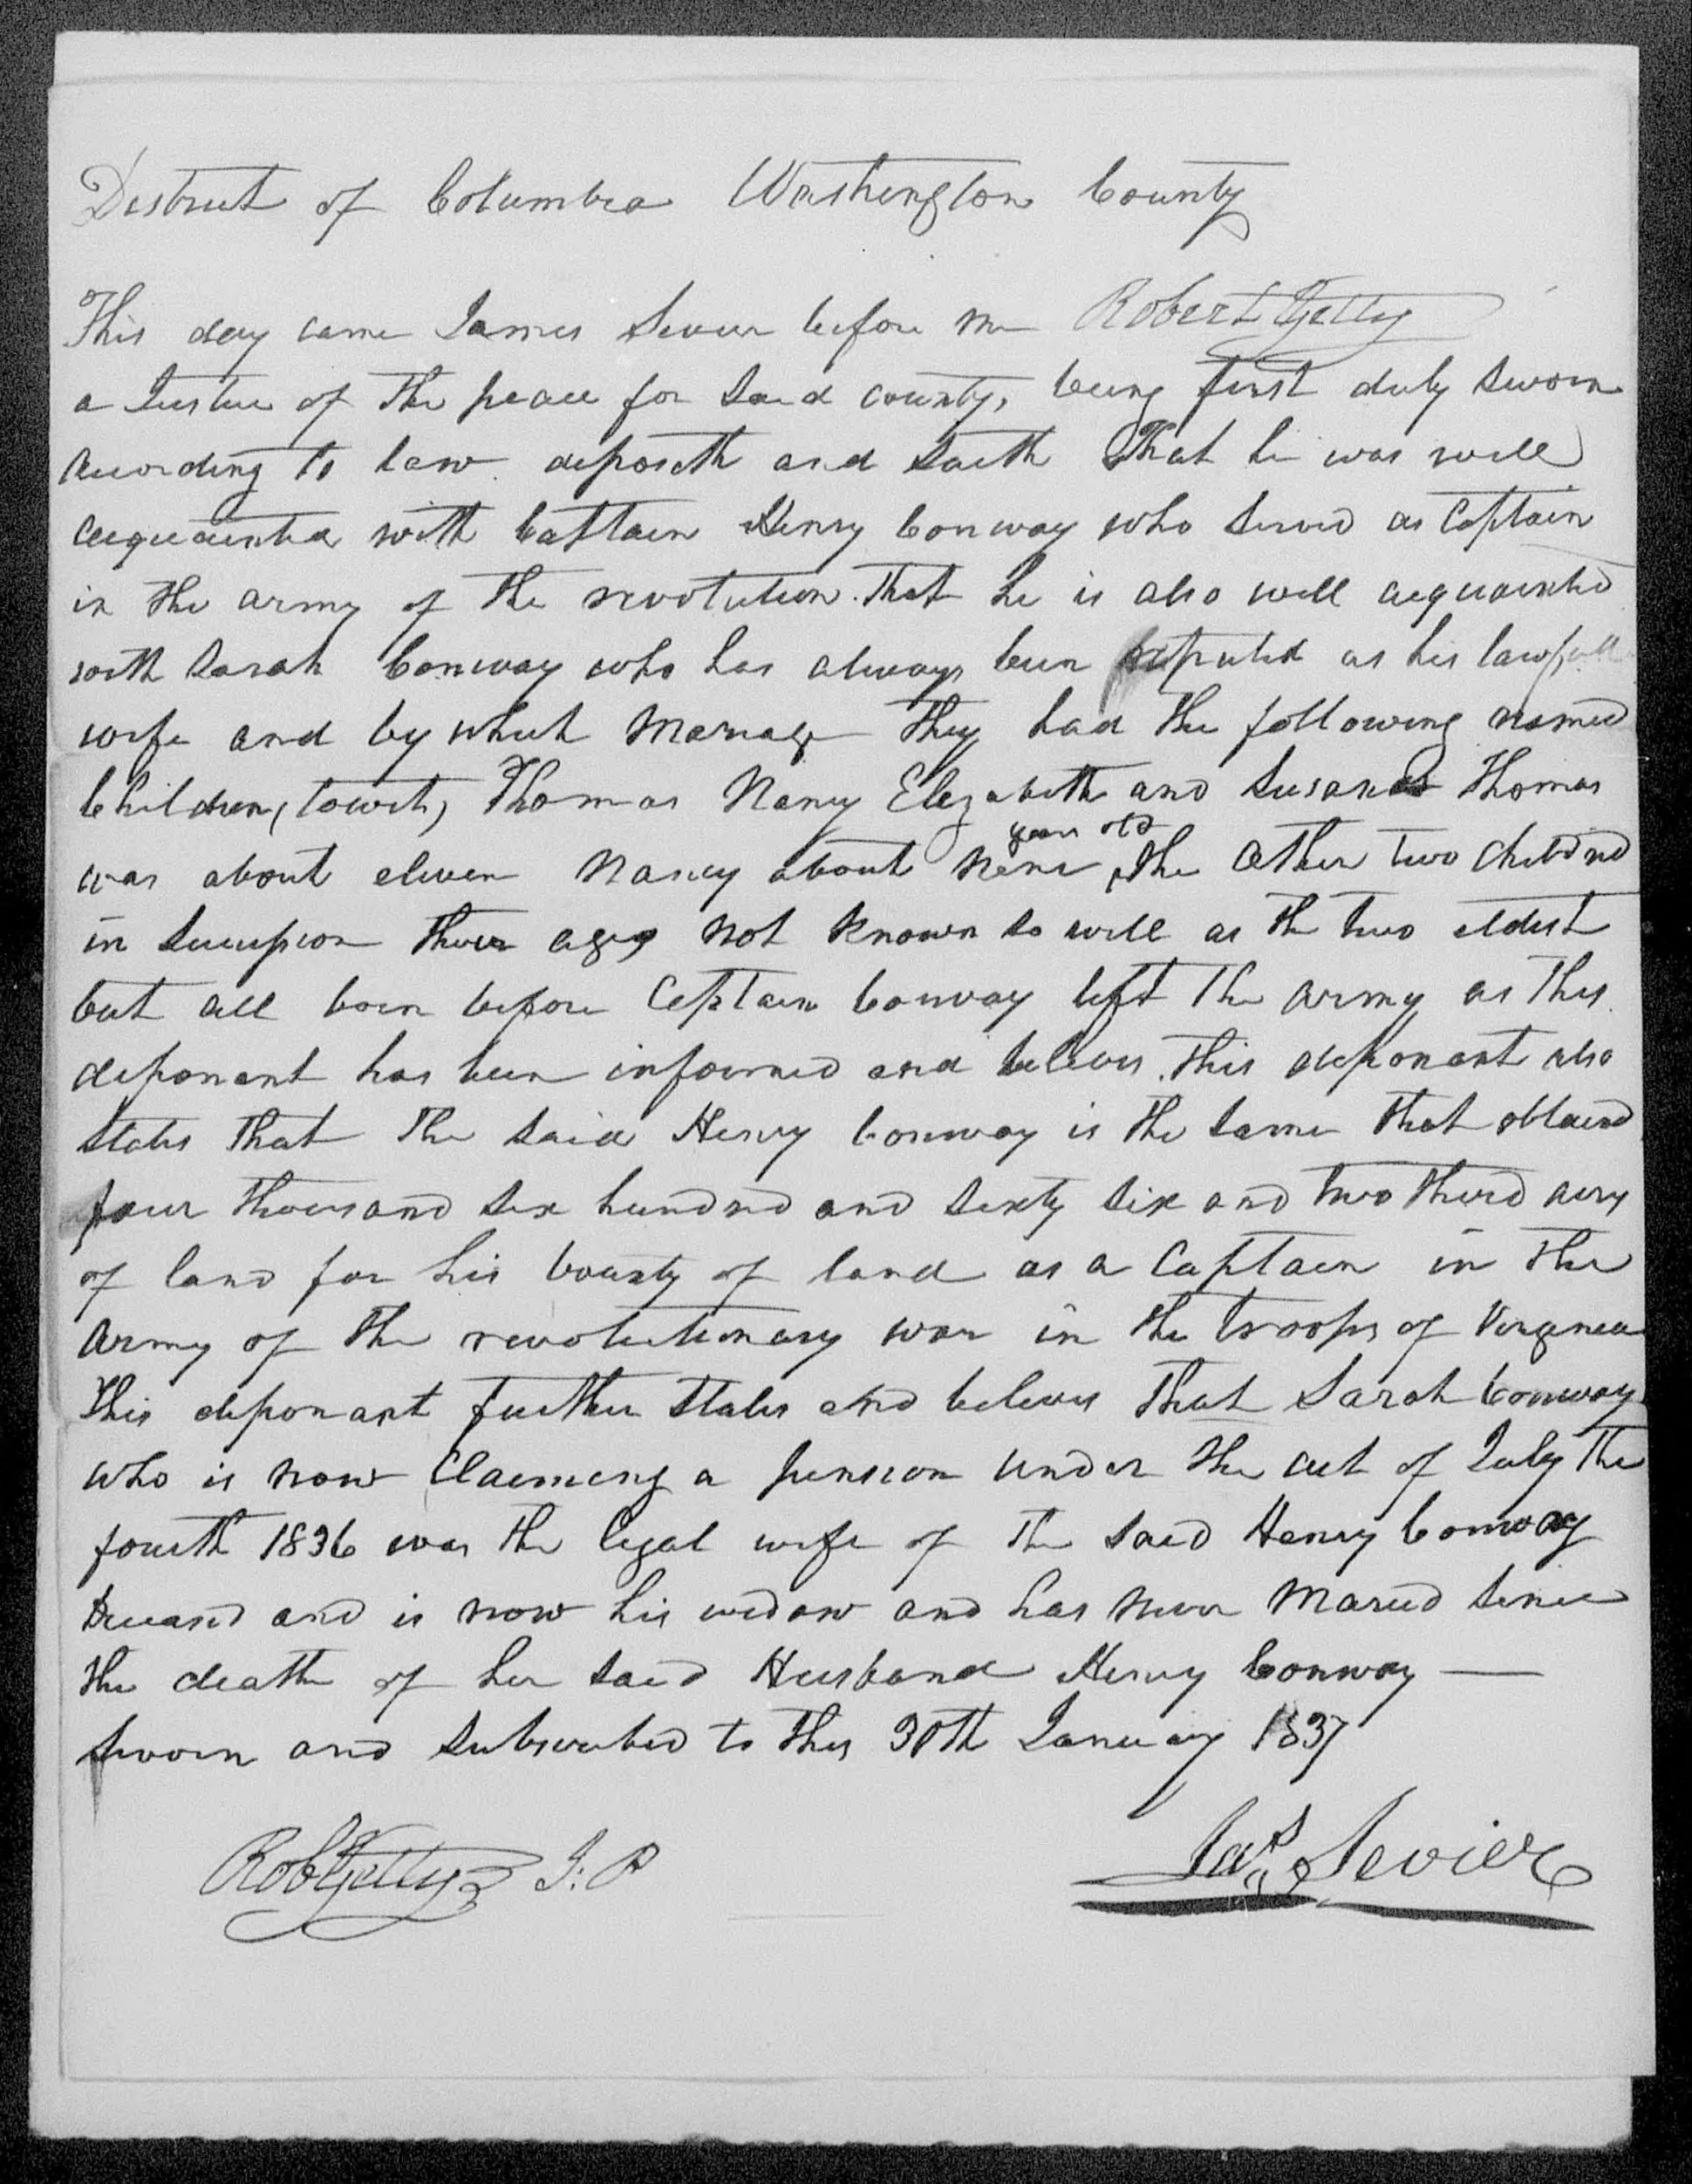District of Columbia  Washington County

This day came James Sevier before me Robert Getty, a Justice of the Peace for said County, being first duly sworn according to law deposeth and saith that he was well acquainted with Captain Henry Conway who served as Captain in the Army of the revolution that he is also well acquainted with Sarah Conway who has always been purported as his lawful wife and by which marriage they had the following names
Children (to wit) Thomas, Nancy, Elizabeth and Susan. Thomas was about eleven, Nancy about nine years old, the other two children in ? their ages not known as the two eldest but all born before Captain Conway left the army as this deponent has been informed and believes this deponent who states that said Henry Conway is the same that obtained four thousand six hundred and sixty six and two third acres of land for his bounty of land as a Captain in the army of the revolutionary war in the troops of Virginia this deponent further states and believes that Sarah Conway who is now claiming a pension under the act of July the fourth 1836 was the legal wife of the said Henry Conway deceased and is now his widow and has been married since the death of her said husband Henry Conway

James Sevier

Sworn and subscribed to this 30th January 1837

Robert Getty J.P.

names: Nancy, Rob Getty, Henry Conway, Thomas, James Sevier, Nancy, Thomas, Sarah Conway, Henry Conway, Henry Conway, Susana, Sarah Conway, Elizabeth, Henry Conway, Jas Sevier, Robert Getty, Convay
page: 9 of 13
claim: widow's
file: W. 6,719, Henry Conway, Va.